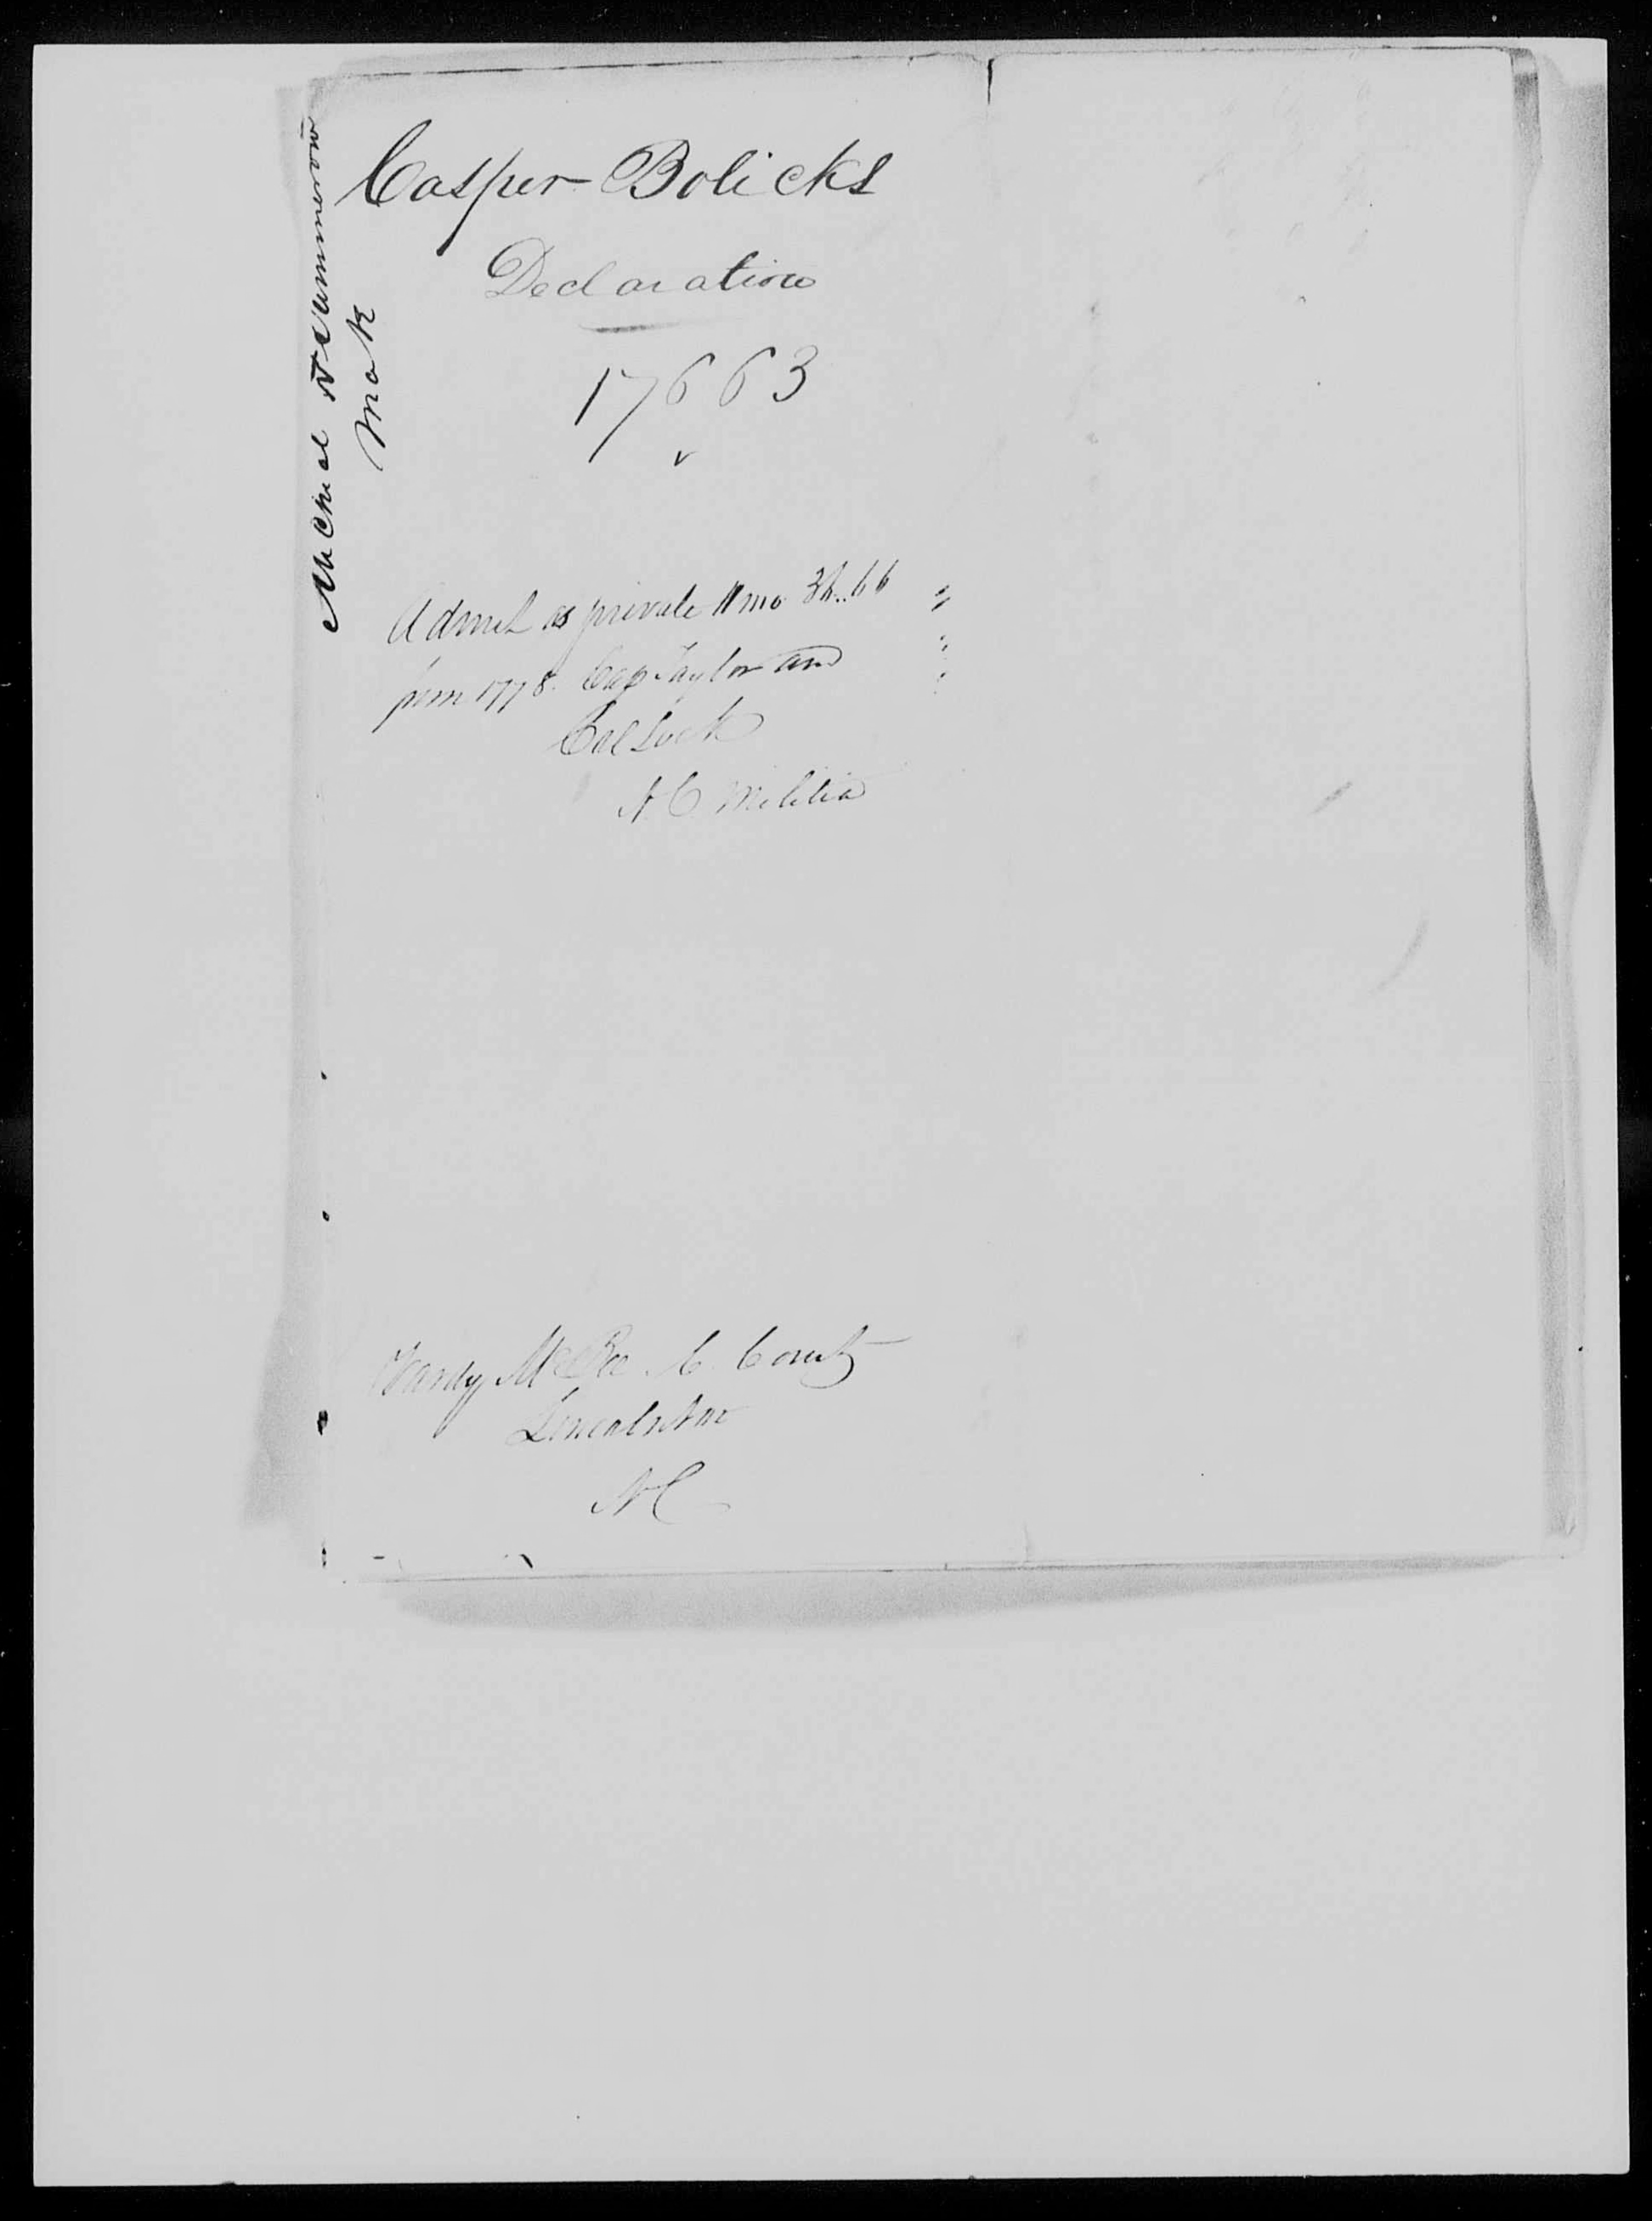Casper Bolicks
Declaration
17663

Admit as private 11 mo. 31.66
from 1778 Cap. Taylor and Col. Lock 
N. C. Militia

Michael N. Nummerow
mak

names: Casper Bolicks, Lock, Taylor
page: 10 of 43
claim: widow's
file: W. 18,566, Casper Bolick, N.C.